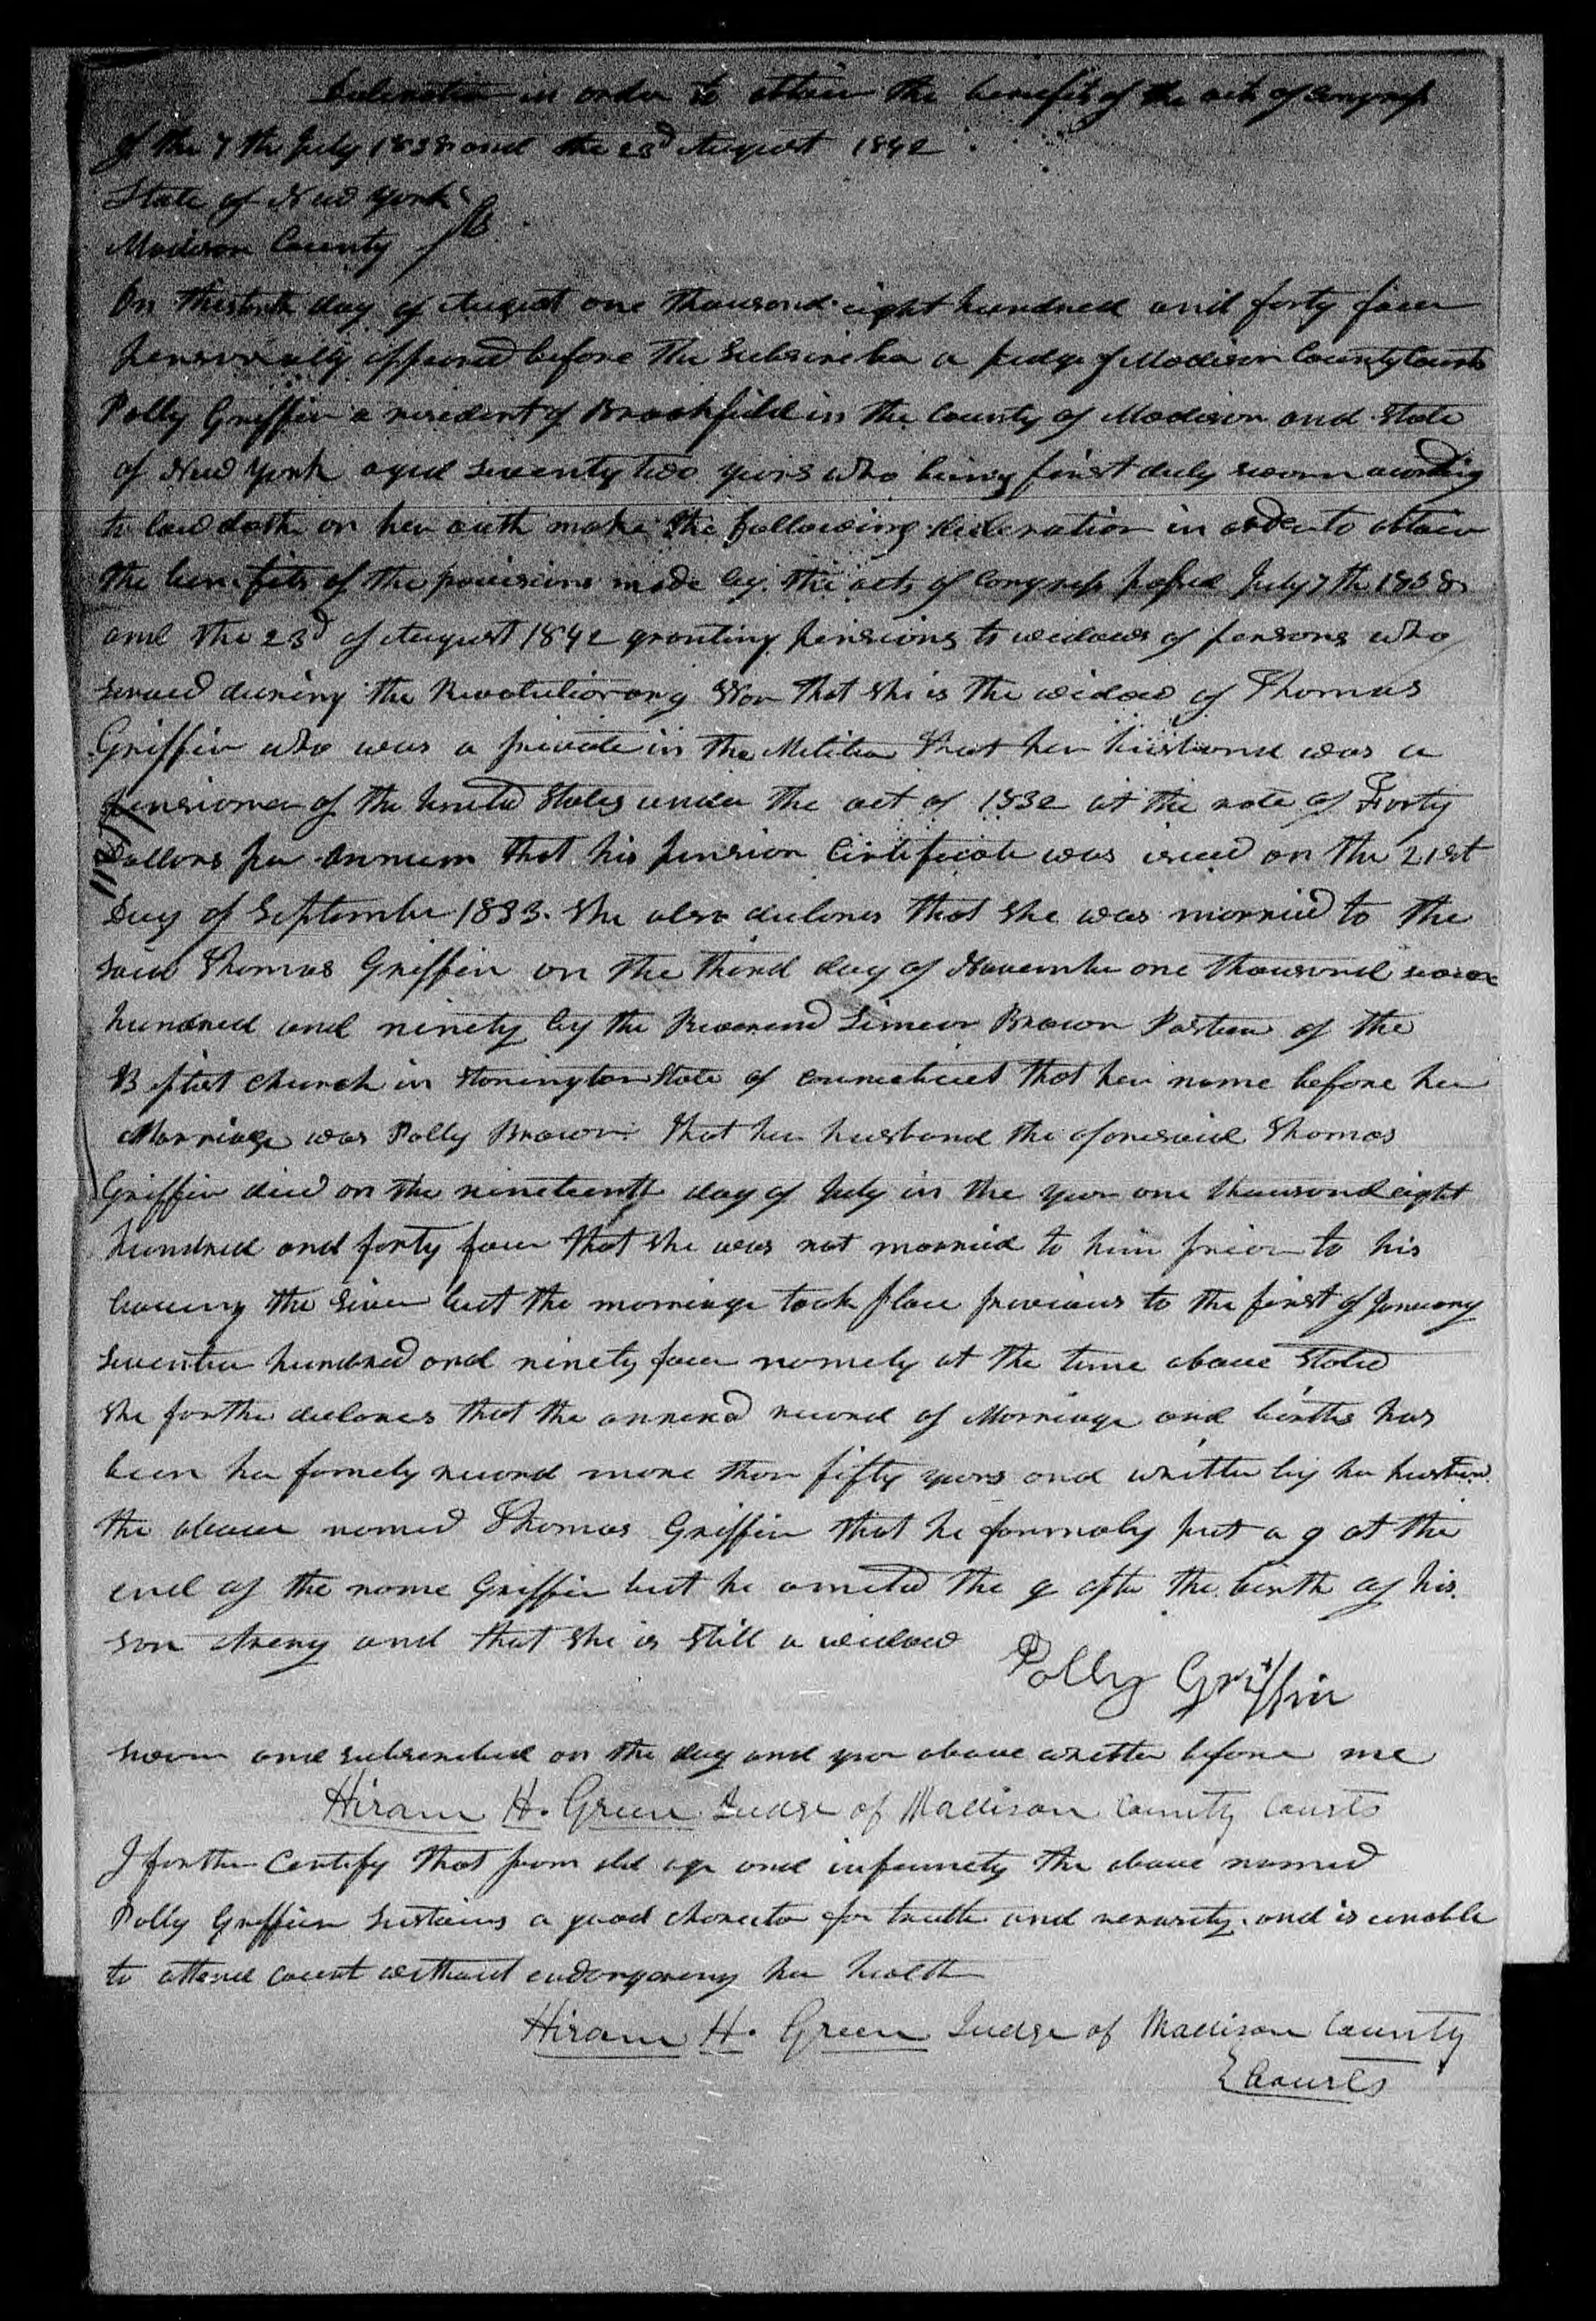Declaration in order to obtain the benefit of the act of Congress of the 7th July 1838 and the 23d August 1842
State of New York Madison County ss
On this thirtieth day of August one thousand eight hundred and forty four personally appeared before the Subscriber a Judge of Madison County Court Polly Griffin a resident of Brookfield in the County of Madison and State of New York aged seventy two years who being first duly sworn according to law doth on her oath make the following declaration in order to obtain the benefits of the provisions made by the act of Congress passed July 7th 1838 and the 23d of August 1842 granting pensions to widows of persons who served during the Revolutionary War
That she is the widow of Thomas Griffin who was a private in the Militia, that her husband was a Pensioner of the United States under the act of 1832 at the rate of Forty Dollars per annum, that his pension certificate was issued on the 21st Day of September 1833. She also declares that she was married to the said Thomas Griffin on the third day of November one thousand seven hundred and ninety by the Reverend Simeon Brown Pastor of the Baptist Church in Stonington State of Connecticut, That her name before her Marriage was Polly Brown, that her husband the aforesaid Thomas Griffin died on the nineteenth day of July in the year one thousand eight hundred and forty four, that she was not married to him prior to his having the service, but the marriage took place previous to the first of January seventeen hundred and ninety four, namely at the time above stated, She further declares that the annexed record of Marriage and births has been her family record more than fifty years and written by her husband the above named Thomas Griffin, that he formaly [formerly] put a ‘g’ at the end of the name Griffin but he omited [omitted] the ‘g’ after the birth of his son [illegible], and that she is still a widow
[signed] Polly Griffin
Sworn and subscribed on the day and year above written before me
Hiram H. Green Judge of Madison County Courts
I further certify that from old age and infirmity the above named Polly Griffin sustains a good character for truth and veracity, and is unable to attend court without endangering her health
Hiram H. Green Judge of Madison County Courts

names: Thomas Griffin, Polly Griffin, Hiram H Green, Simeon Brown, Polly Brown, Thomas Griffin, Polly Griffin, Griffin, Hiram H Green, Thomas Griffin, Thomas Griffin, Polly Griffin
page: 10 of 60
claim: widow's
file: W. 19,537, Thomas Griffin, Conn.